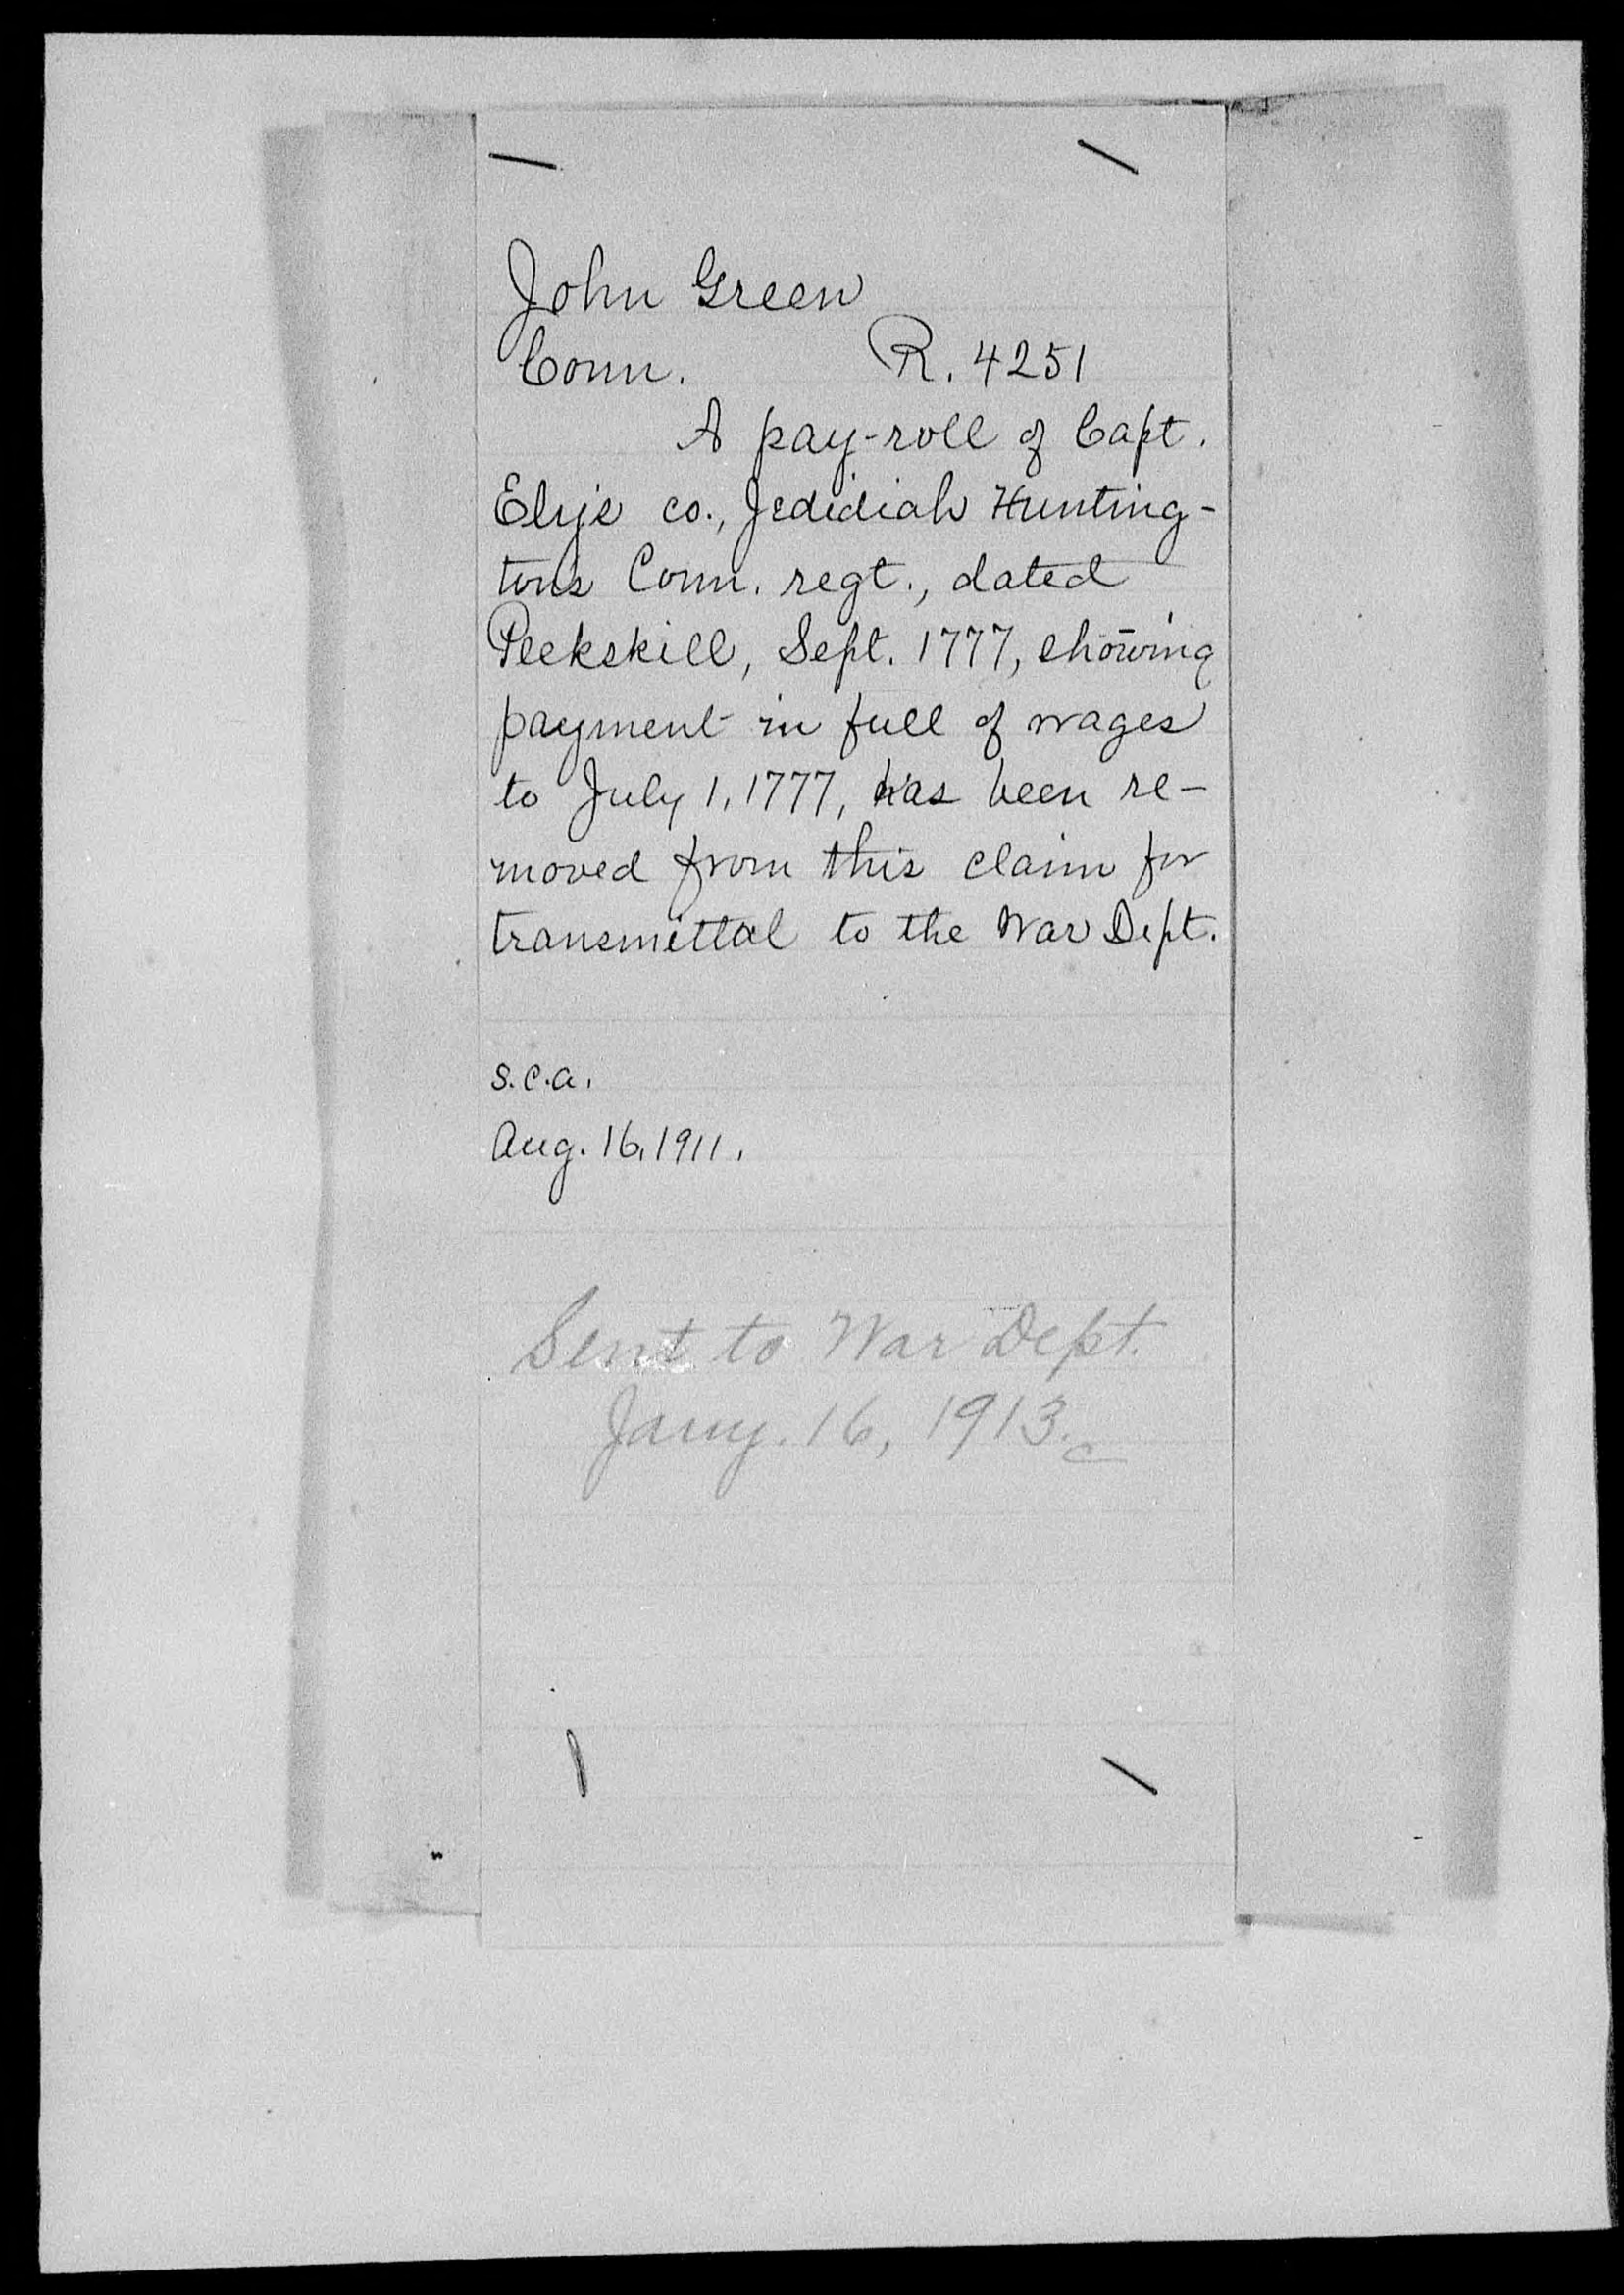John Green
Conn.              R. 4251

A pay-roll of Capt. Ely's co., Jedidiah Huntington's Conn. regt., dated Peekskill, Sept. 1777 , showing payment in full of wages to July 1, 1777, has been removed from this claim for transmittal to the War Dept.


S.C.A.
Aug. 16, 1911

Sent to the War Dept. 
[Jarry.] 16, 1913 c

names: John Green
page: 13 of 40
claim: rejected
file: R. 4251, John Green, Conn.